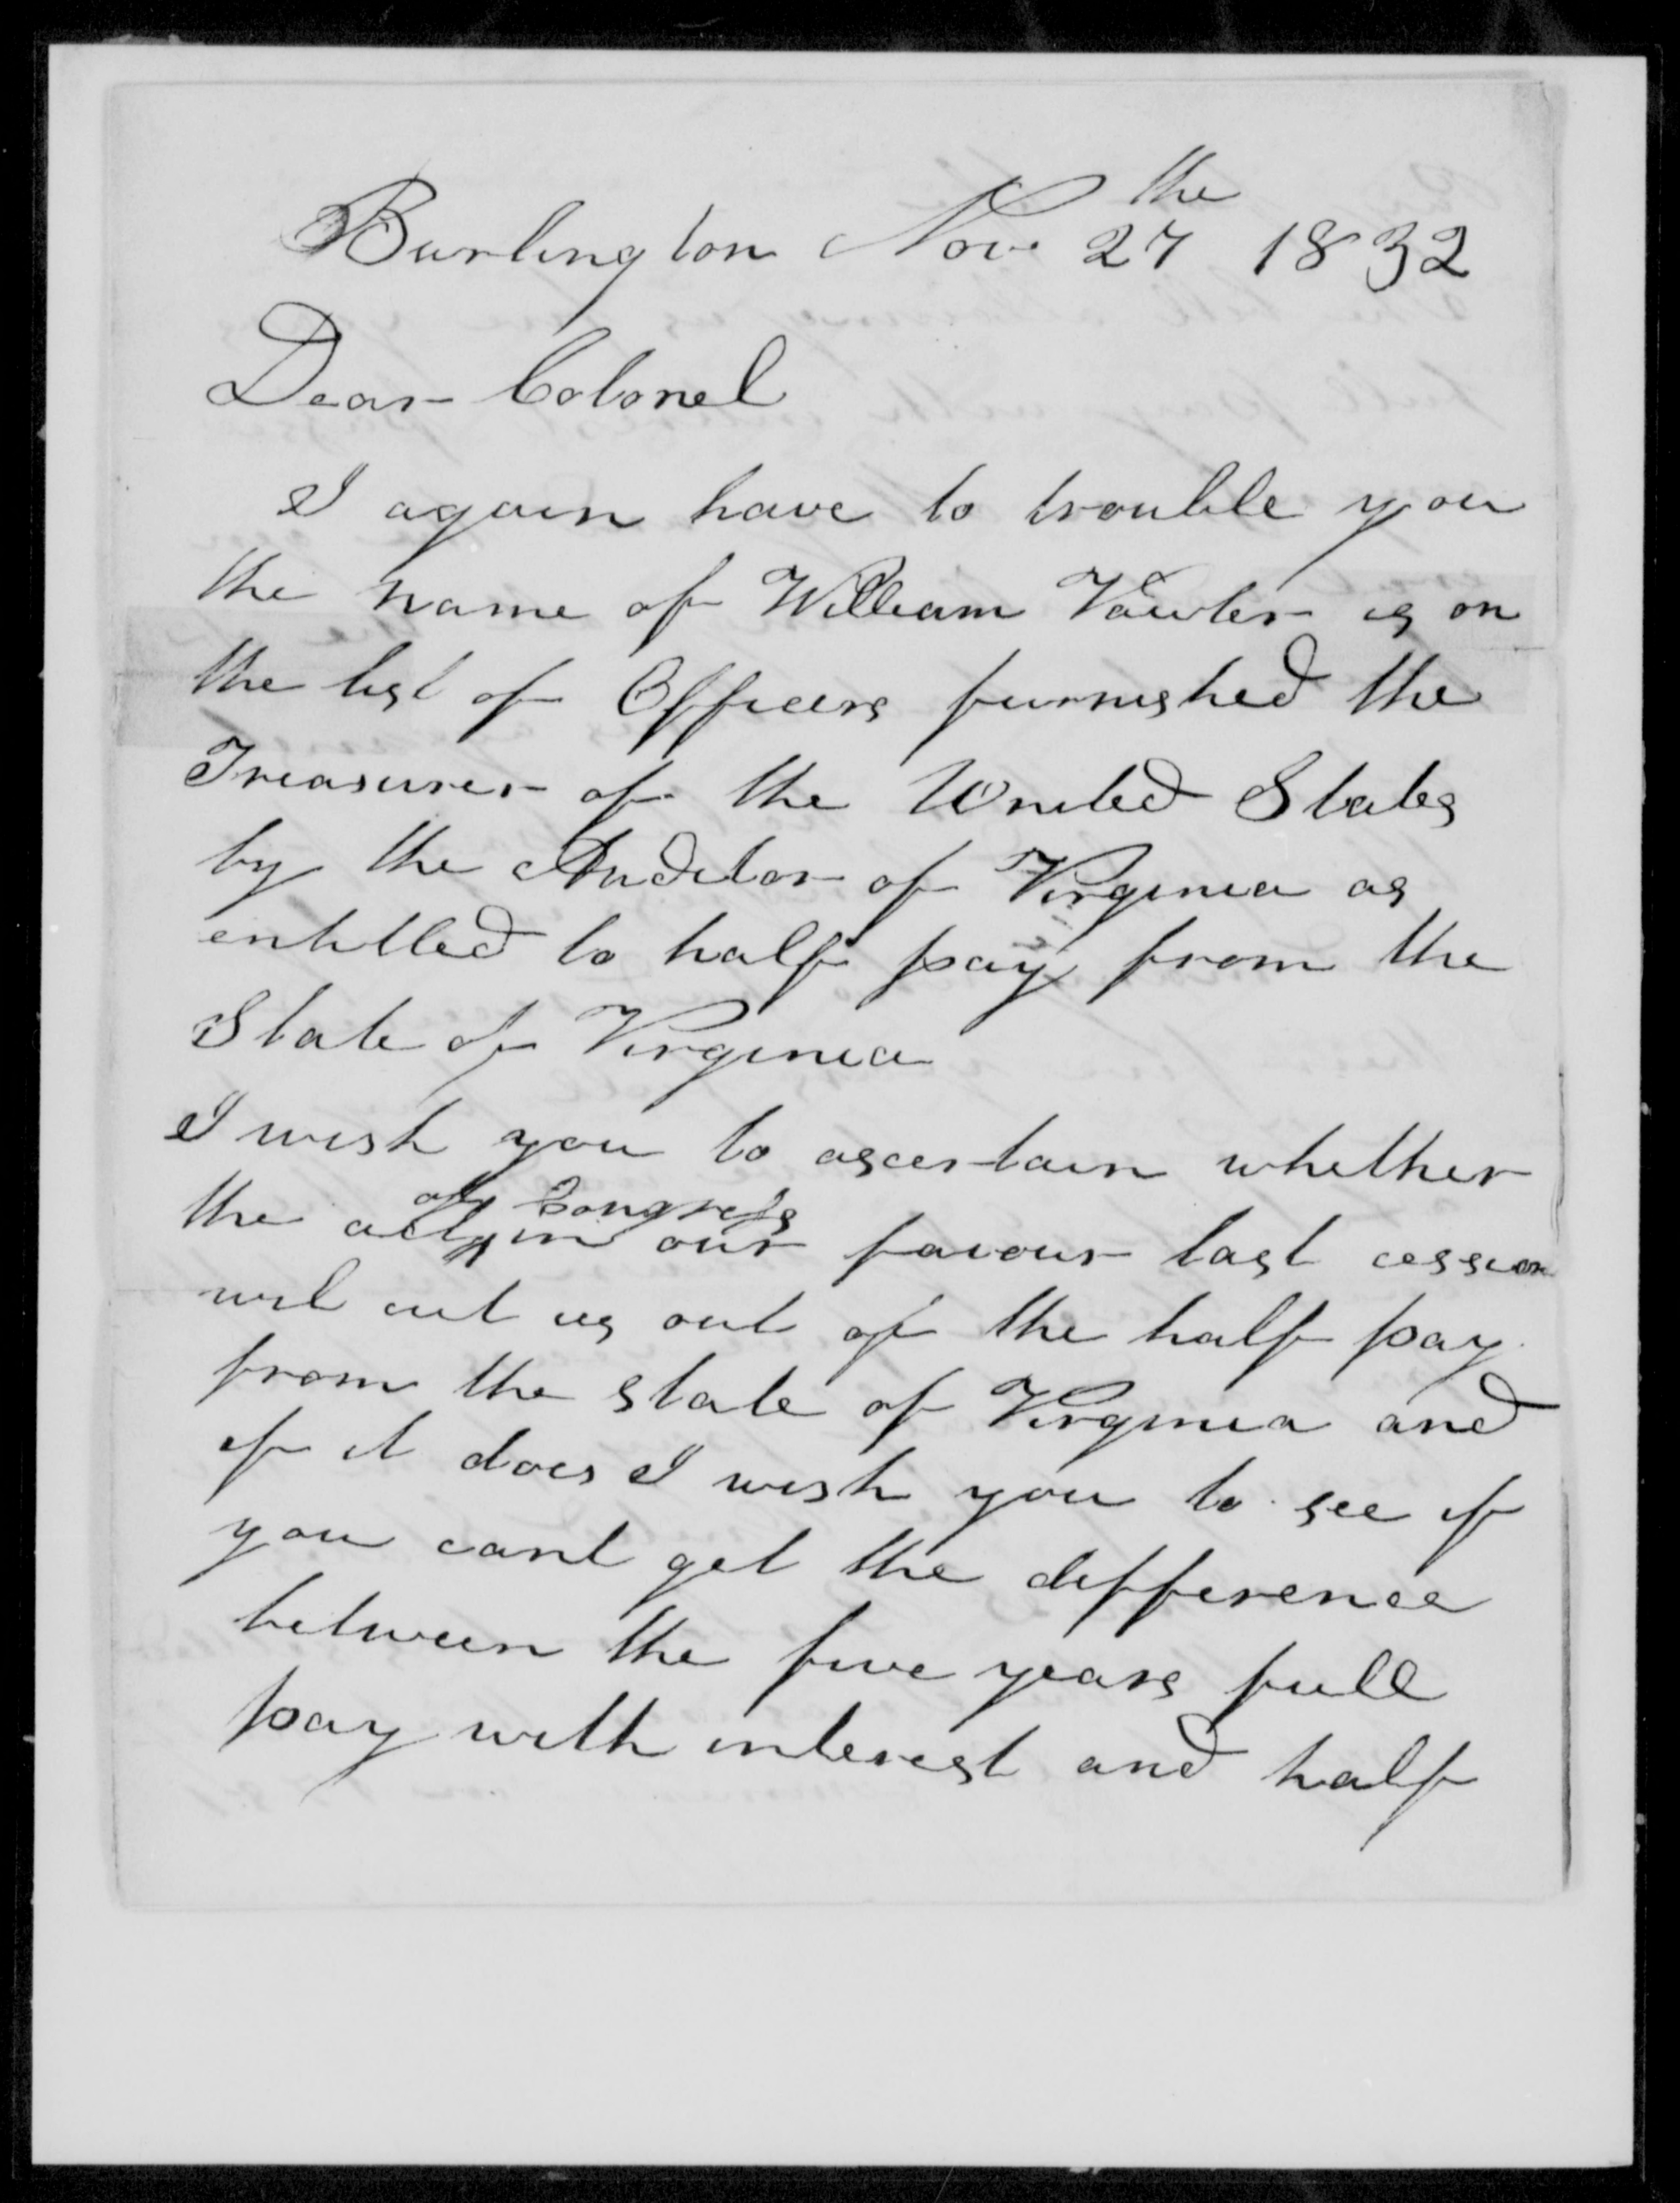Burlington Nov the 27 1832

Dear Colonel

I again have to trouble you
the name of William Vawter is on
the list of Officers furnished the
Treasurer of the United States
by the Auditor of Virginia as
entitled to half pay from the
State of Virginia
I wish you to ascertain whether
the act of Congress in our favour last session
wil [will] cut us out of the half pay
from the state of Virginia and
if it does I wish you to see if
you cant get the difference
between the five years full
pay with interest and half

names: William Vawter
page: 10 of 51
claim: rejected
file: R. 10,921, William Vawter, Va.